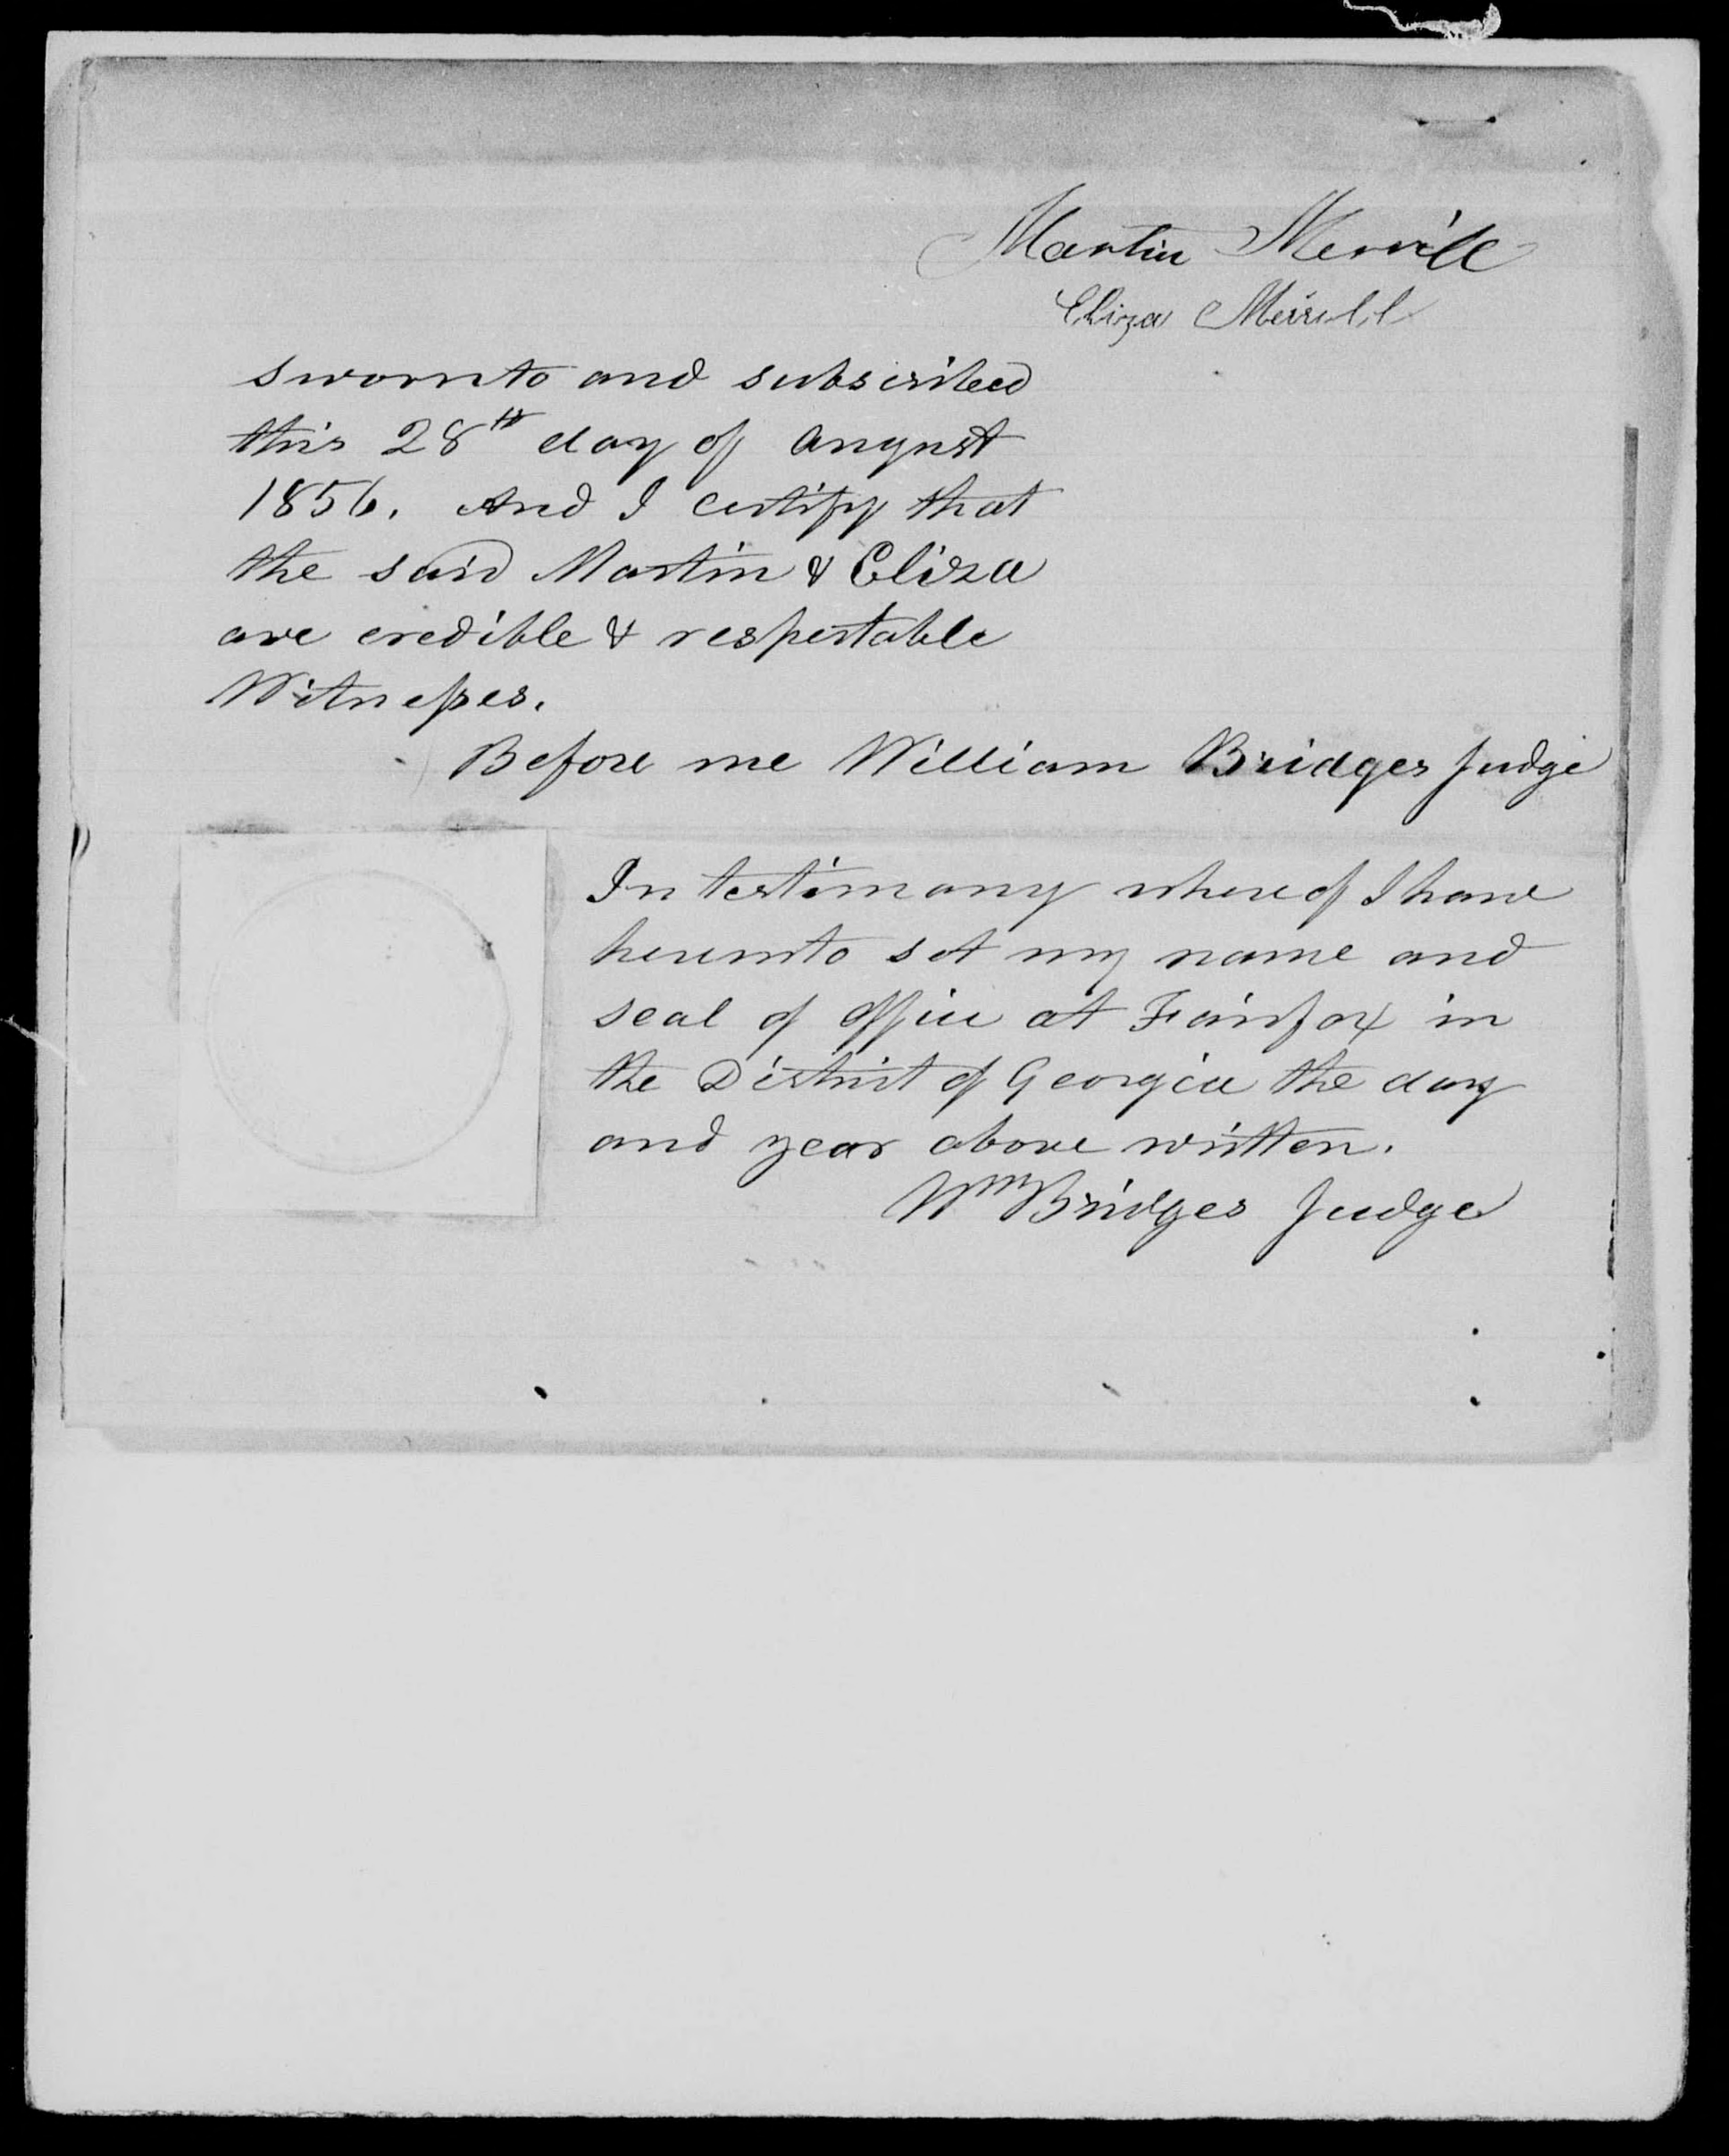Martin Merrill
Eliza Merrill

Sworn and subscribed this 28th day of August 1856, And I certify that the said Martin & Eliza are credible & respectable Witnesses.

Before me William Bridges Judge

[faded stamp mark]

In testimony whereof I have hereunto set my name and seal of office at Fairfax in the District of Georgia the day and year above written.

Wm Bridges Judge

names: Martin Merrill, Martin, William Bridges, Eliza, Eliza Merrill, Wm Bridges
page: 21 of 72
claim: widow's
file: W. 7771, Stephen Holmes, Vt.